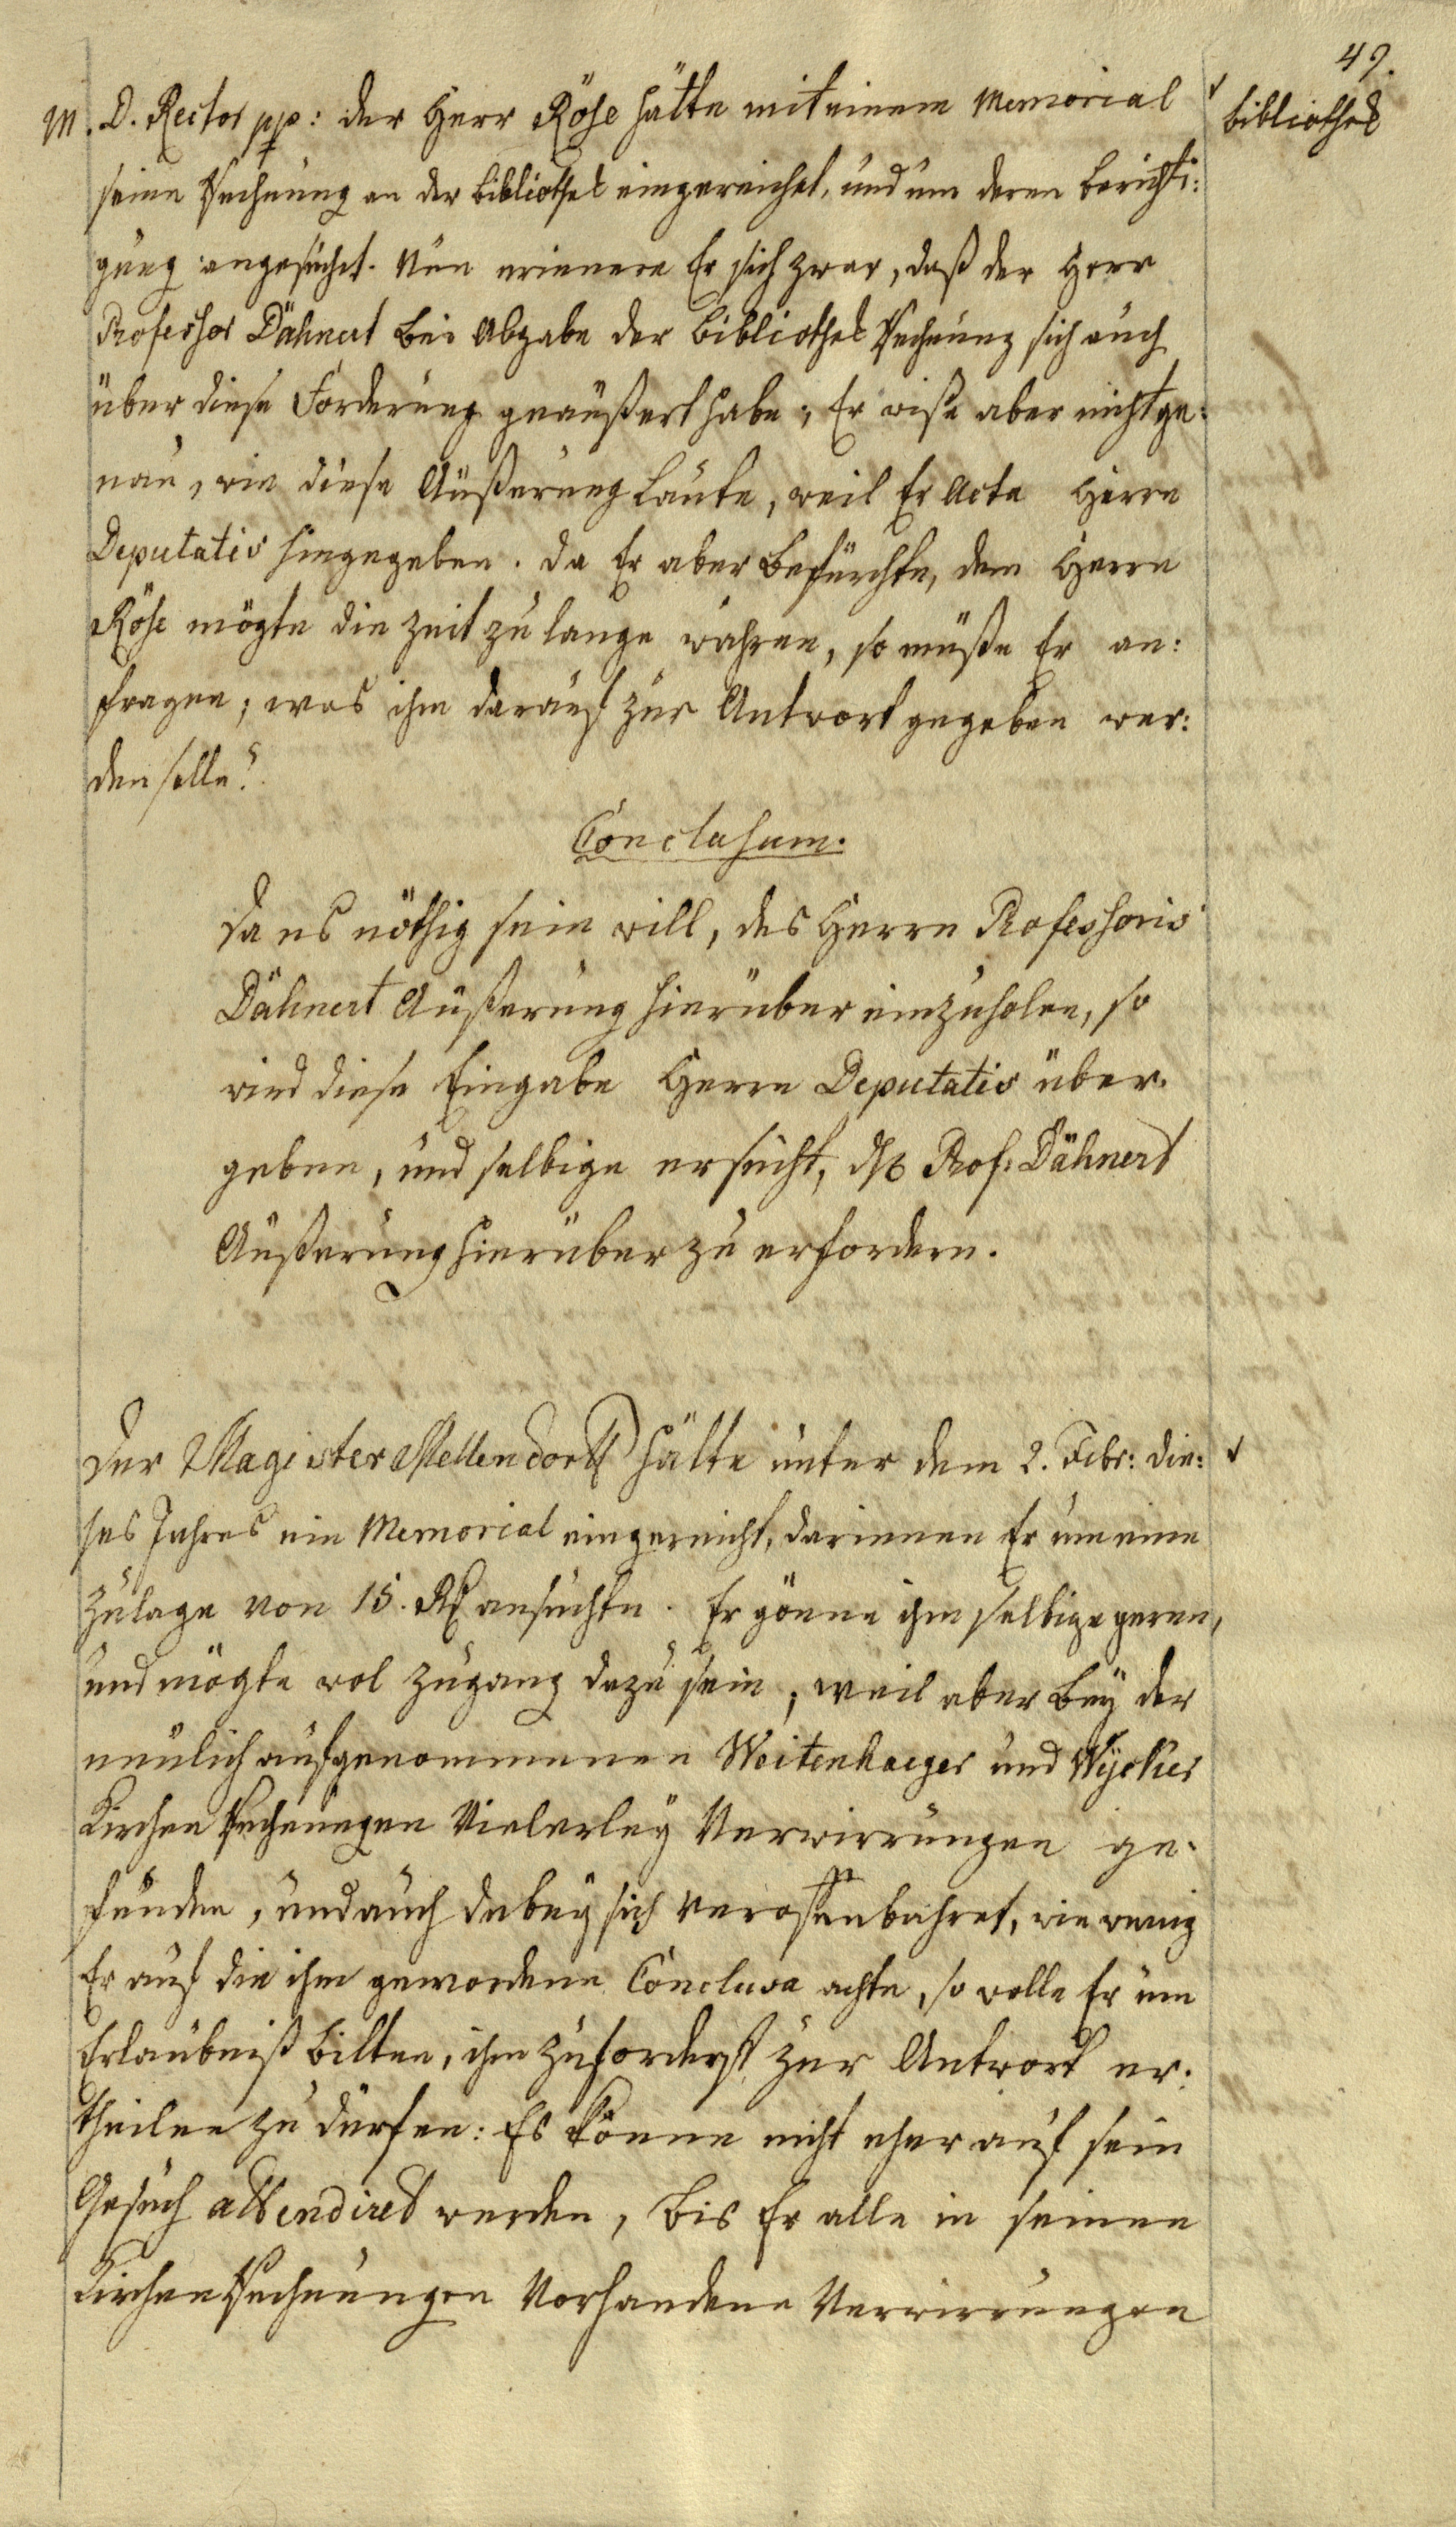M. D. Rector pp. Der Herr Röse hätte mit einem Memorial
seine Rechnung an der Bibliothek eingereichet, und um deren Berichti¬
gung angesuchet. Nun erinnere Er sich zwar, daß der Herr
Professor Dähnert bei Abgabe der Bibliothek Rechnung sich auch
über diese Forderung geäußert habe; Er wiße aber nicht ge¬
nau, wie diese Äußerung laute, weil Er Acta Herrn
Deputatis hingegeben. Da Er aber befürchte, dem Herrn
Röse mögte die Zeit zu lange währen, so müße Er an¬
fragen; was ihm darauf zur Antwort gegeben wer¬
den solle?
Conclusum.
Da es nöthig sein will, des Herrn Professoris
Dähnert Äußerung hierüber einzuholen, so
wird diese Eingabe Herrn Deputatis über¬
geben, und selbige ersucht, dh Prof. Dähnert
Äußerung hierüber zu erfordern.
Der Magister Mellendorff hätte unter dem 2. Febr. die¬
ses Jahres ein Memorial eingereicht, darinnen Er um eine
Zulage von 15 Rt ansuchte. Er gönne ihm selbige gerne,
und mögte wol Zugang dazu sein, weil aber beÿ der
neulich aufgenommenen Weitenhaeger und Wÿcker
Kirchen Rechnungen vielerleÿ Verwirrungen ge¬
fungen, und auch dabeÿ sich veroffenbahret, wie wenig
Er auf die ihm gewordnene Conclusa achte, so wolle Er um
Erlaubniß bitten, ihm zuforderst zur Antwort er¬
theilen zu dürfen: Es könne nicht eher auf sein
Gesuch attendiret werden, bis Er alle in seinen
Kirchen Rechnungen vorhandene Verwirrungen